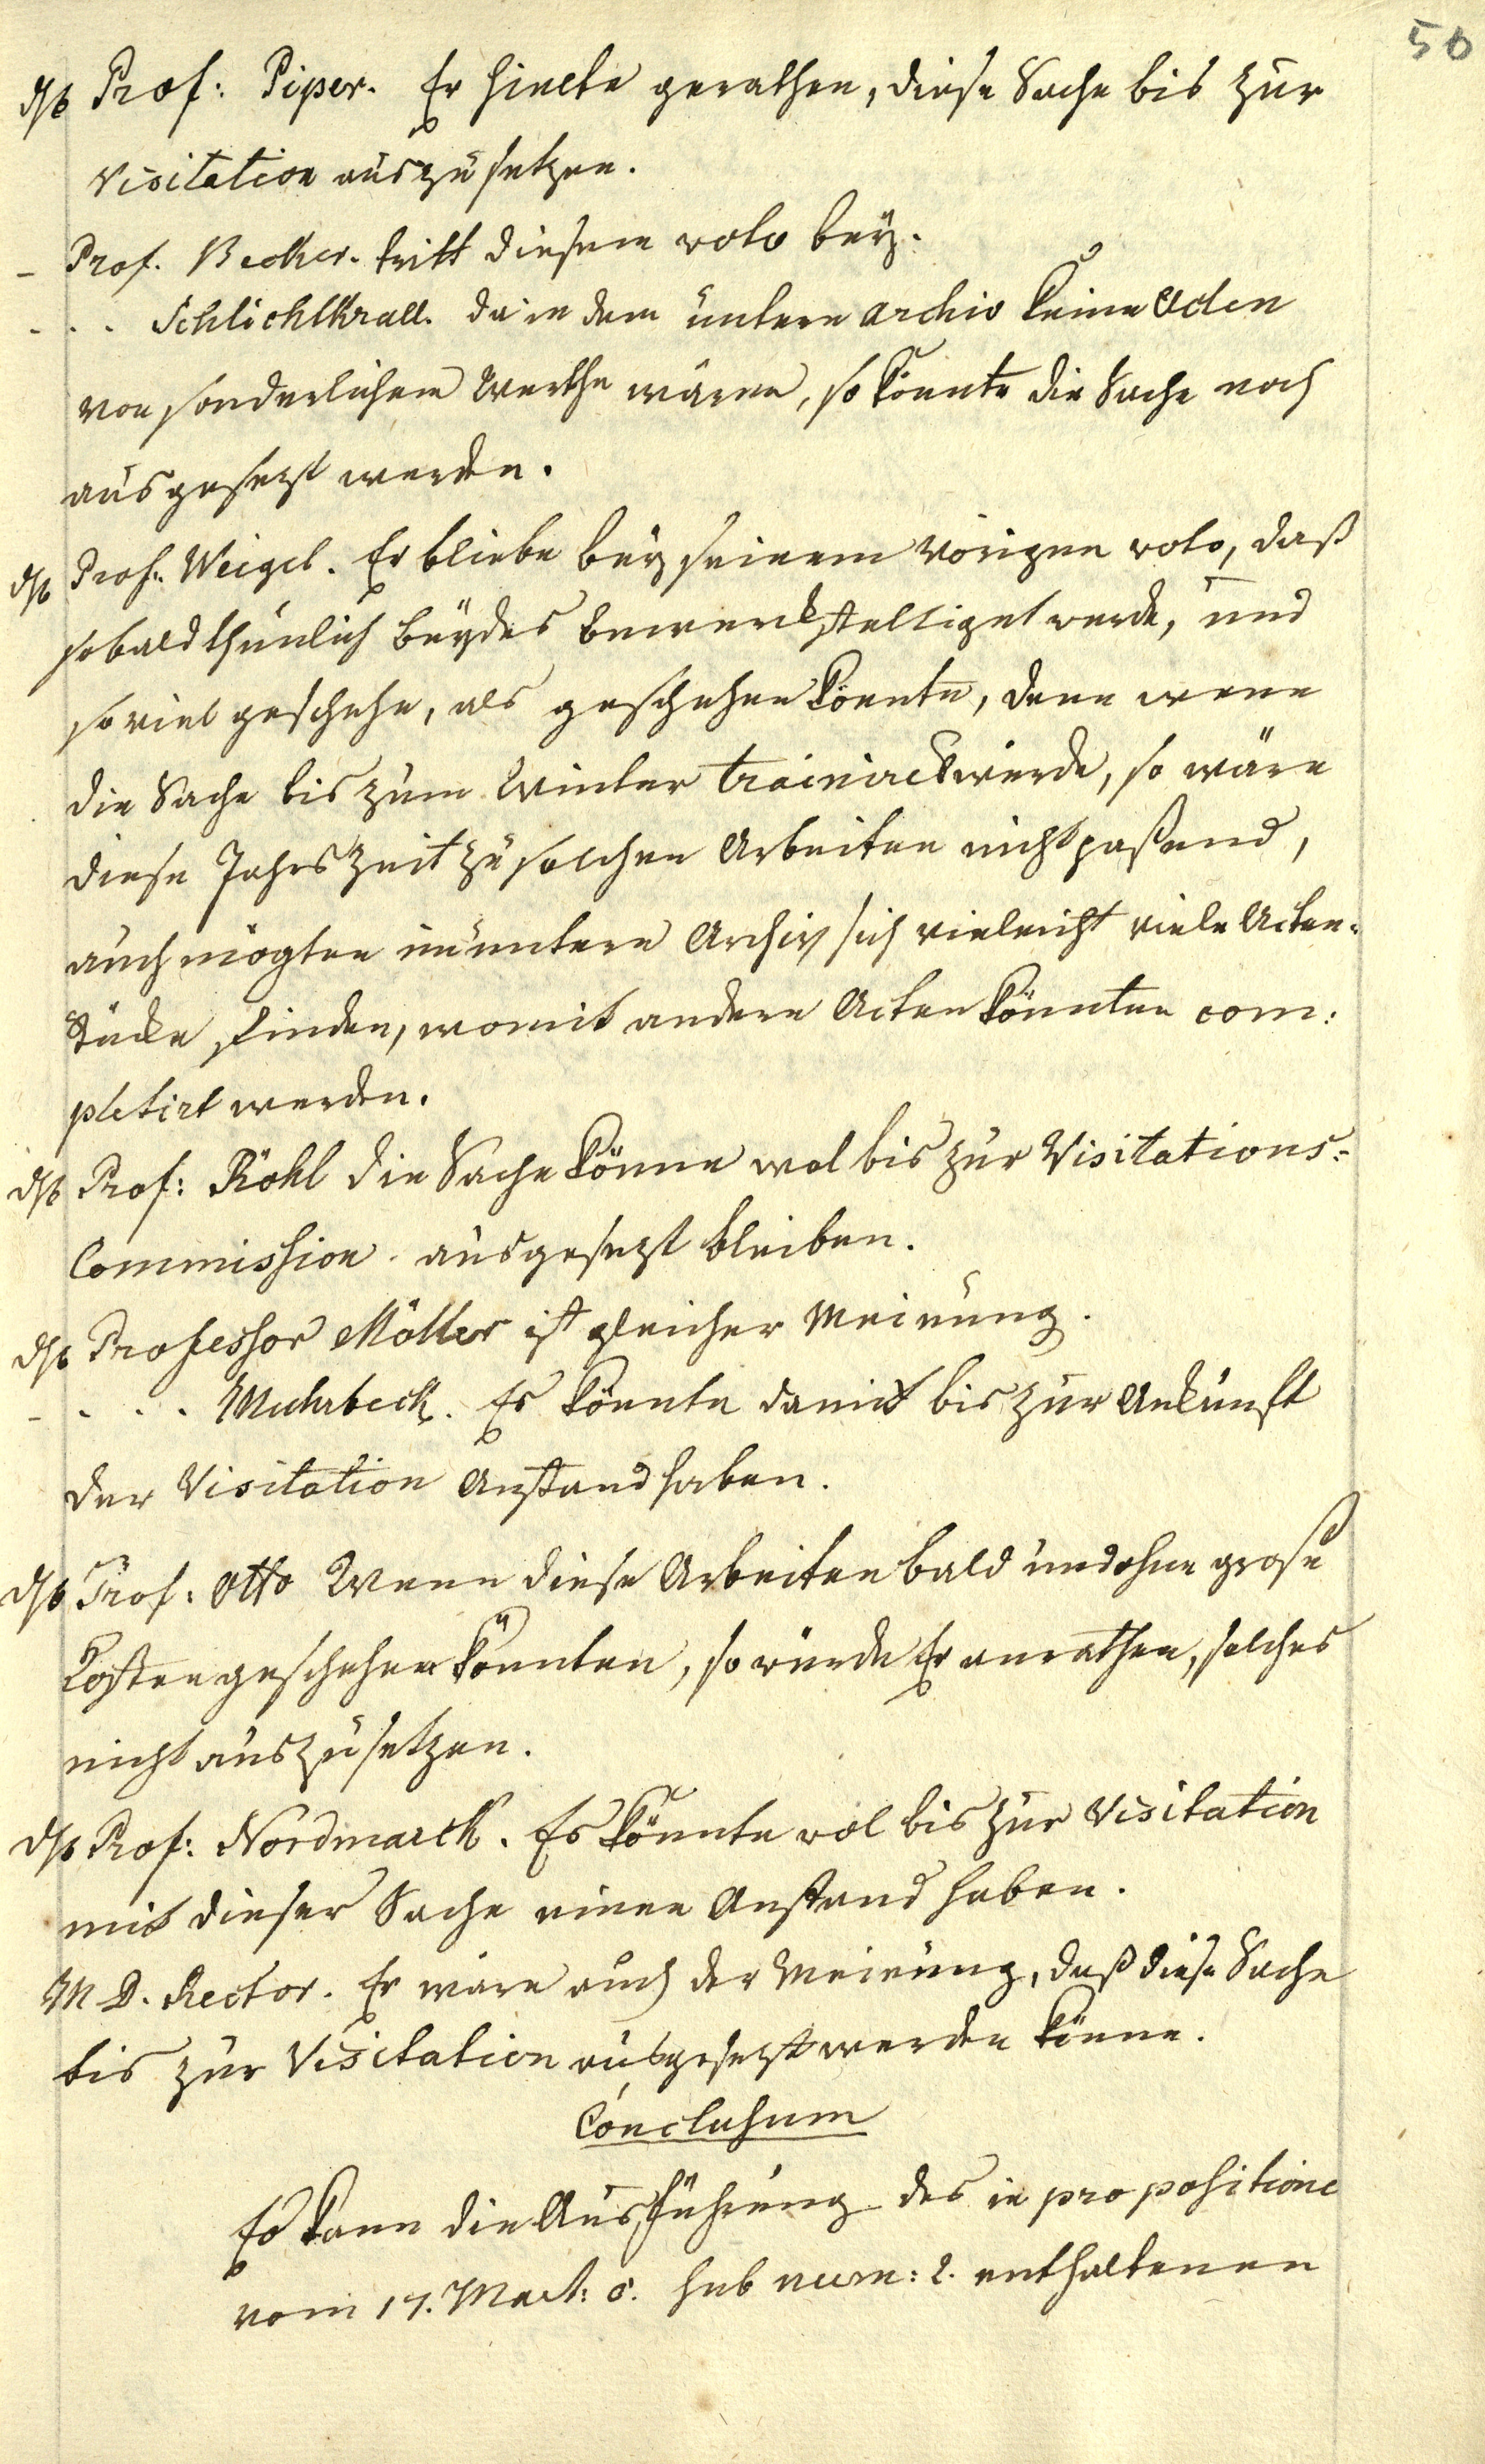dh Prof. Piper. Er hielte gerathen, diese Sache bis zur
Visitation auszusetzen.
Prof. Becker. tritt diesem voto beÿ.
Schlichtkrull. Da in dem untern Archiv keine Acten
von sonderlichem Werthe wären, so könnte die Sache noch
ausgesezt werden.
dh Prof. Weigel. Er bliebe beÿ seinem vorigen voto, daß
sobald thunlich beÿdes bewerckstelliget werde, und
so viel geschehe, als geschehen könnte, denn wenn
die Sache bis zum Winter trainiret würde, so wäre
diese Jahres Zeit zu solchen Arbeiten nicht passend,
auch mögten im untern Archiv sich vieleicht viele Acten¬
Stücke finden, womit andere Acten könnten com¬
pletirt werden.
dh. Prof: Röhl. Die Sache könne wol bis zur Visitations¬
Commission ausgesezt bleiben.
dh Professor Möller ist gleicher Meinung.
Muhrbeck. Es könnte damit bis zur Ankunft
der Visitation Anstand haben.
dh Prof. Otto Wenn diese Arbeiten bald und ohne große
Kosten geschehen könnten, so würde Er anrathen, solches
nicht auszusetzen.
dh Prof. Nordmarck. Es könnte wol bis zur Visitation
mit dieser Sache einen Anstand haben.
M. D. Rector. Er wäre auch der Meinung, daß diese Sache
bis zur Visitation ausgesezt werden könne.
Conclusum
Es kann die Ausführung des in propositione
vom 17. Mart. c. sub num: 2 enthaltenen